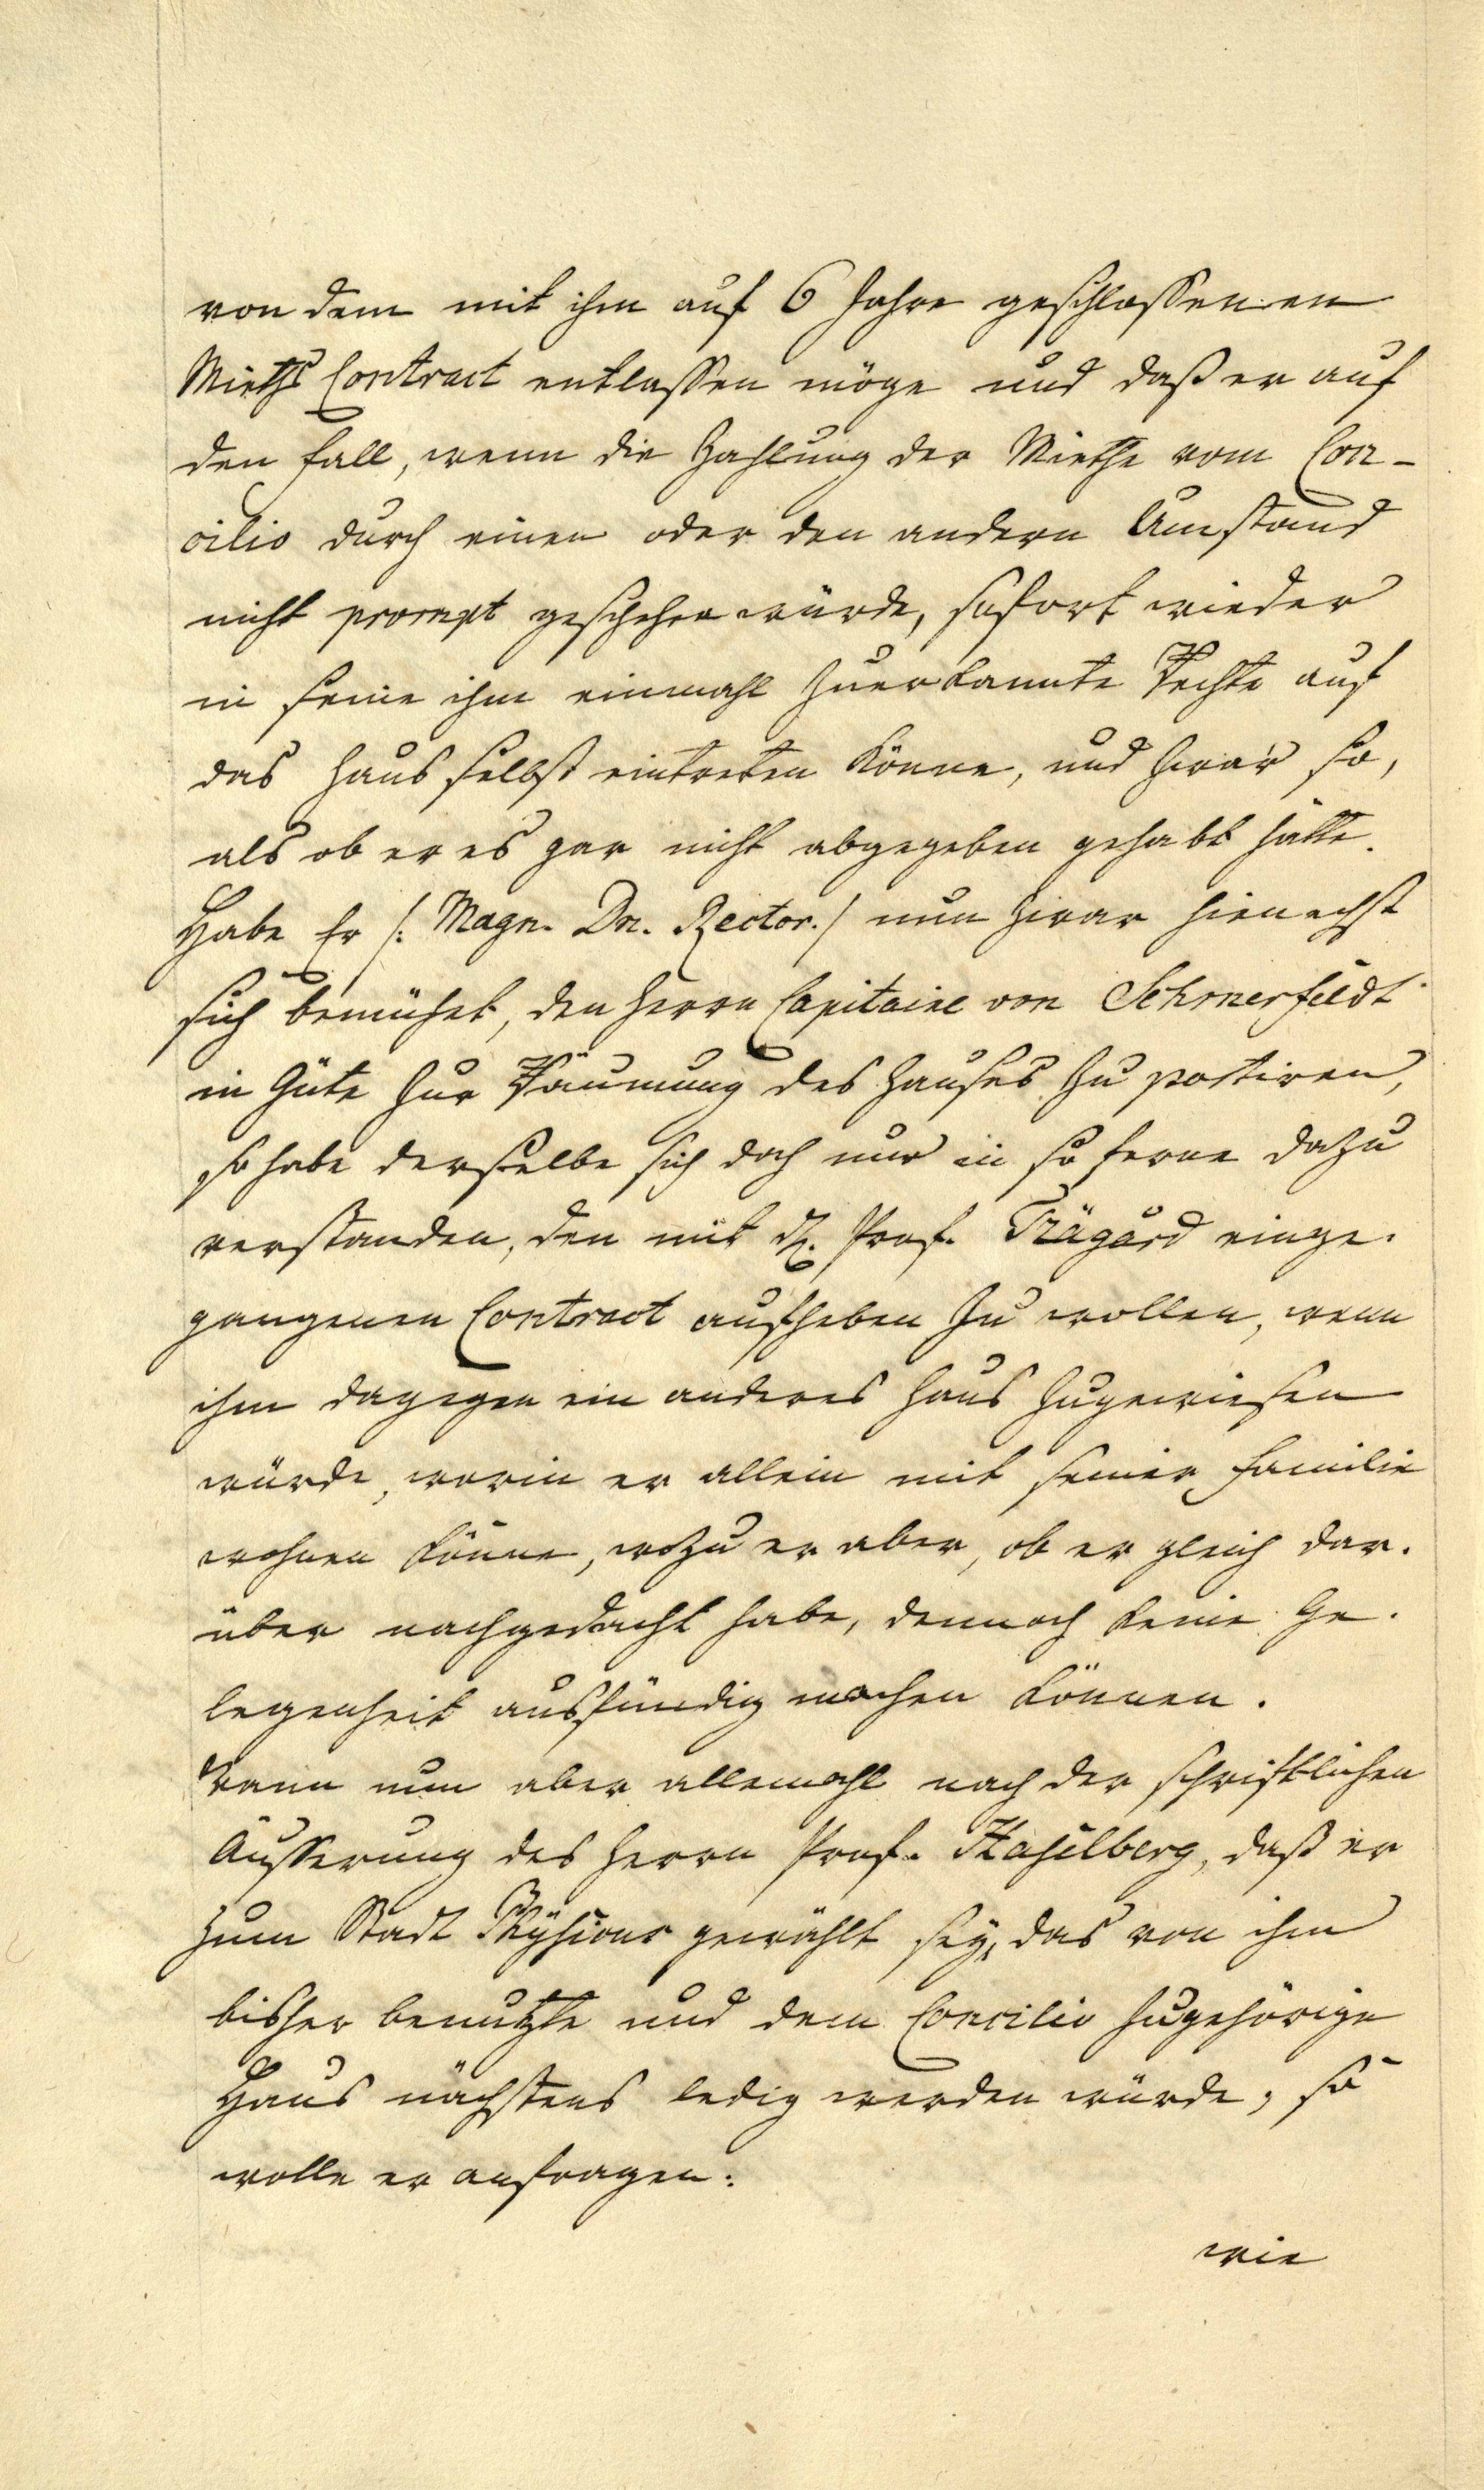von dem mit ihm auf 6 Jahre geschlossenen
Mieths Contract entlassen möge und daß er auf
den Fall, wenn die Zahlung der Miethe vom Con¬
cilio durch einen oder den andern Umstand
nicht prompt geschehen würde, sofort wieder
in seine ihm einmahl zuerkannte Rechte auf
das Haus selbst eintreten könne, und zwar so,
als ob er es gar nicht abgegeben gehabt hätte.
Habe Er /: Magn. Dn. Rector ./ nun zwar hienechst
sich bemühet, den Herrn Capitaine von Schmerfeldt
in Güte zur Räumung des Hauses zu portiren,
so habe derselbe sich doch nur in so ferne dazu
verstanden, den mit dh. Prof. Trägård einge¬
gangenen Contract aufgeben zu wollen, wenn
ihm dagegen ein anderes Haus zugewiesen
würde, worin er allein mit seiner Familie
wohnen könne, wozu er aber, ob er gleich dar¬
über nachgedacht habe, dennoch keine Ge¬
legenheit ausfindig machen können.
Wann nun aber allemahl nach der schriftlichen
Äusserung des Herrn Prof. Haselberg, daß er
zum Stadt Phÿsicus gewählt seÿ, das von ihm
bisher benutzte und dem Concilio zugehörige
Haus nächstens ledig werden würde, so
wolle er anfragen:
wie